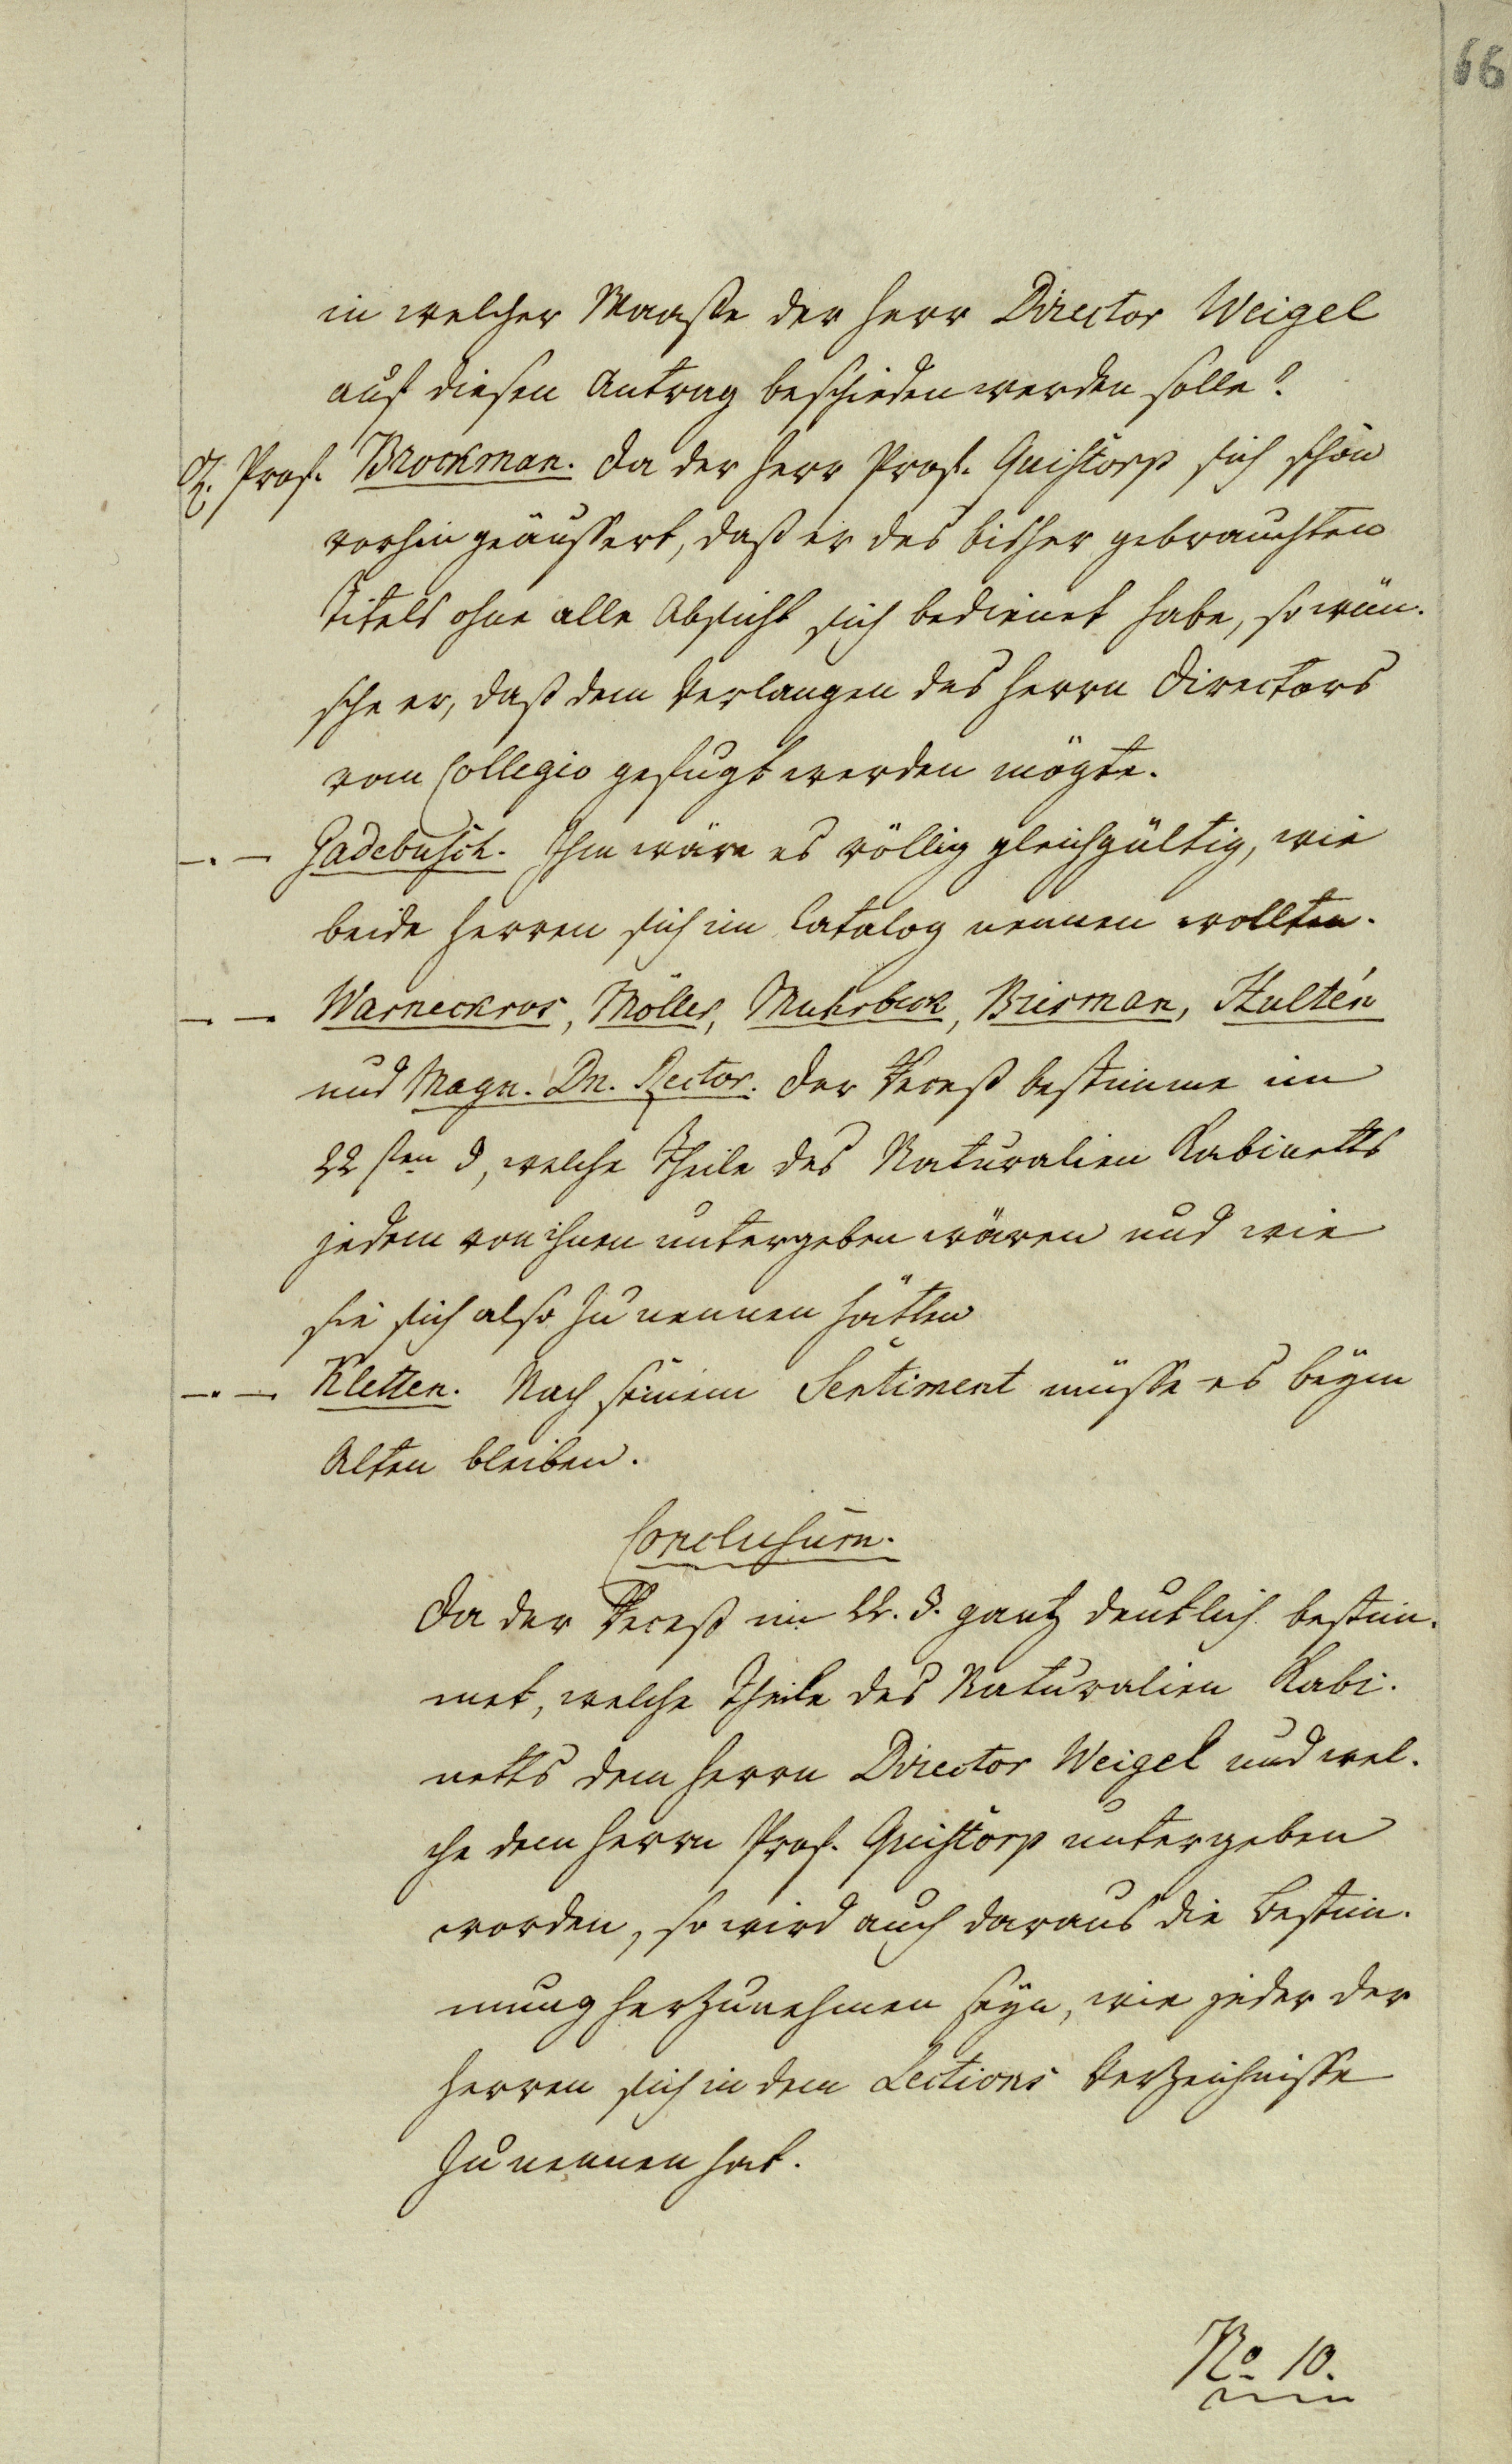in welcher Maaße der Herr Director Weigel
auf diesen Antrag beschieden werden solle?
dh. Prof. Brockman. Da der Herr Prof. Quistorp sich schon
vorhin geäussert, daß er des bisher gebrauchten
Titels ohne alle Absicht sich bedienet habe, so wün¬
sche er, daß dem Verlangen des Herrn Directors
vom Collegio gefugt werden mögte.
Gadebusch. ihm wäre es völlig gleichgültig, wie
beide Herren sich im Catalog nennen wollten.
Warneckros, Möller, Muhrbeck Brisman, Hultén
und Magn. Dn. Rector. Der Receß bestimme im
22 ten §, welche Theile des Naturalien Kabinetts
jedem von ihnen untergeben wären, und wie
sie sich also zu nennen hätten.
Kletten. Nach seinem Sentiment müsse es beÿm
Alten bleiben.
Conclusum.
Da der Receß im 22. §. gantz deutlich bestim¬
met, welche Theile des Naturalien Kabi¬
netts dem Herrn Director Weigel und wel¬
che dem Herrn Prof. Quistorp untergeben
worden, so wird auch daraus die Bestim¬
mung herzunehmen seÿn, wie jeder der
Herren sich in dem Lections Verzeichnisse
zu nennen hat
No 10.